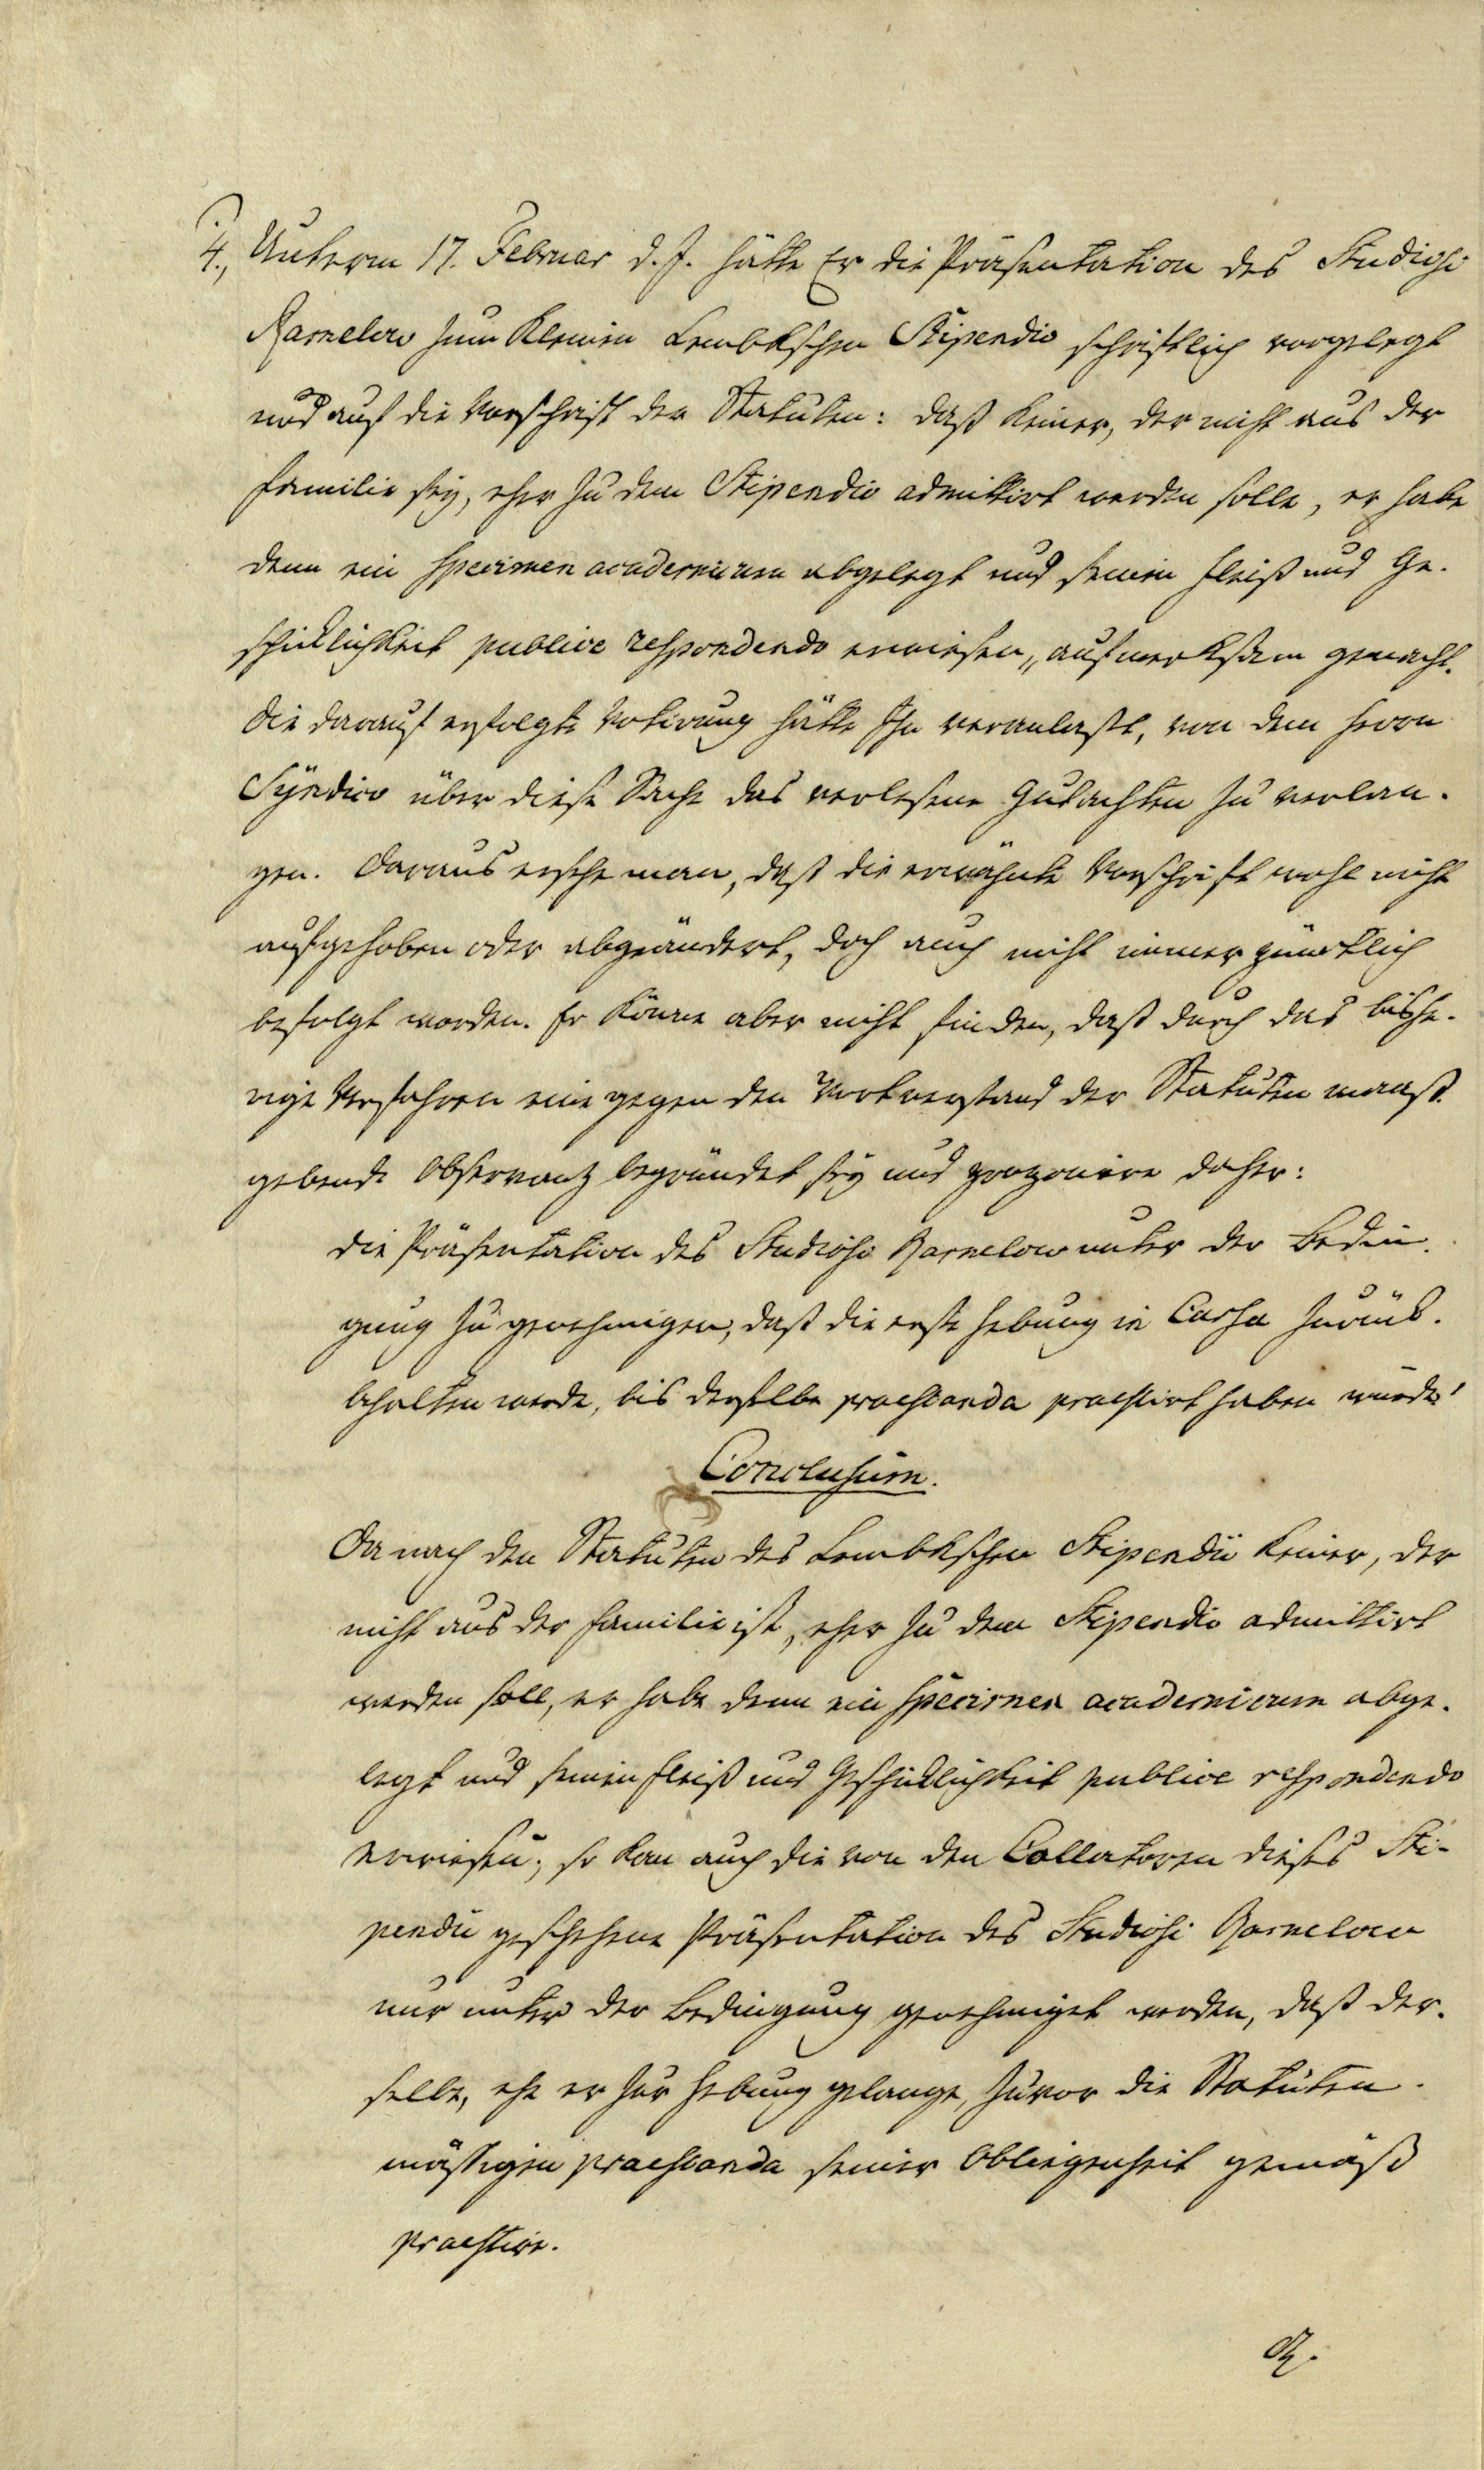4., Unterm 17. Februar d. J. hätte Er der Präsentation des Studiosi
Ramelow zum kleinen Lembkschen Stipendio schriftlich vorgelegt
und auf die Vorschrift der Statuten: daß keiner, der nicht aus der
Familie seÿ, eher zu dem Stipendio admittirt werden solle, er habe
denn ein Specimen academicum abgelegt und seinen Fleiß und Ge¬
schicklichkeit publice respondendo erwiesen, aufmerksam gemacht.
Die darauf erfolgte Votirung hätte Ihn veranlaßt, von dem Herrn
Sÿndico über diese Sache das verlesene Gutachten zu verlan¬
gen. Daraus ersehe man, daß die erwähnte Vorschrift wohl nicht
aufgehoben oder abgeändert, doch auch nicht immer pünktlich
befolgt worden. Er könne aber nicht finden, daß durch das bishe¬
rige Verfahren eine gegen den Wortverstand der Statuten maaß¬
gebende Observanz begründet seÿ und proponire daher:
die Präsentation des Studioso Ramelow unter der Bedin¬
gung zu genehmigen, daß die erste Hebung in Cassa zurück¬
behalten werde, bis derselbe praestanda praestirt haben würde.
Conclusum.
Da nach den Statuten des Lembkschen Stipendii keiner, der
nicht aus der Familie ist, eher zu dem Stipendio admittirt
werden soll, er habe denn ein specimen academicum abge¬
legt und seinen Fleiß und Geschicklichkeit publice respondendo
erwiesen; so kan auch die von den Collatoren dieses Sti¬
pendii geschehene Präsentation des Studiosi Ramelow
nur unter der Bedingung genehmiget werden, daß der¬
selbe, ehe er zur Hebung gelange, zuvor die Statuten¬
mässigen praestanda seiner Obliegenheit gemäß
praestire.
dh.